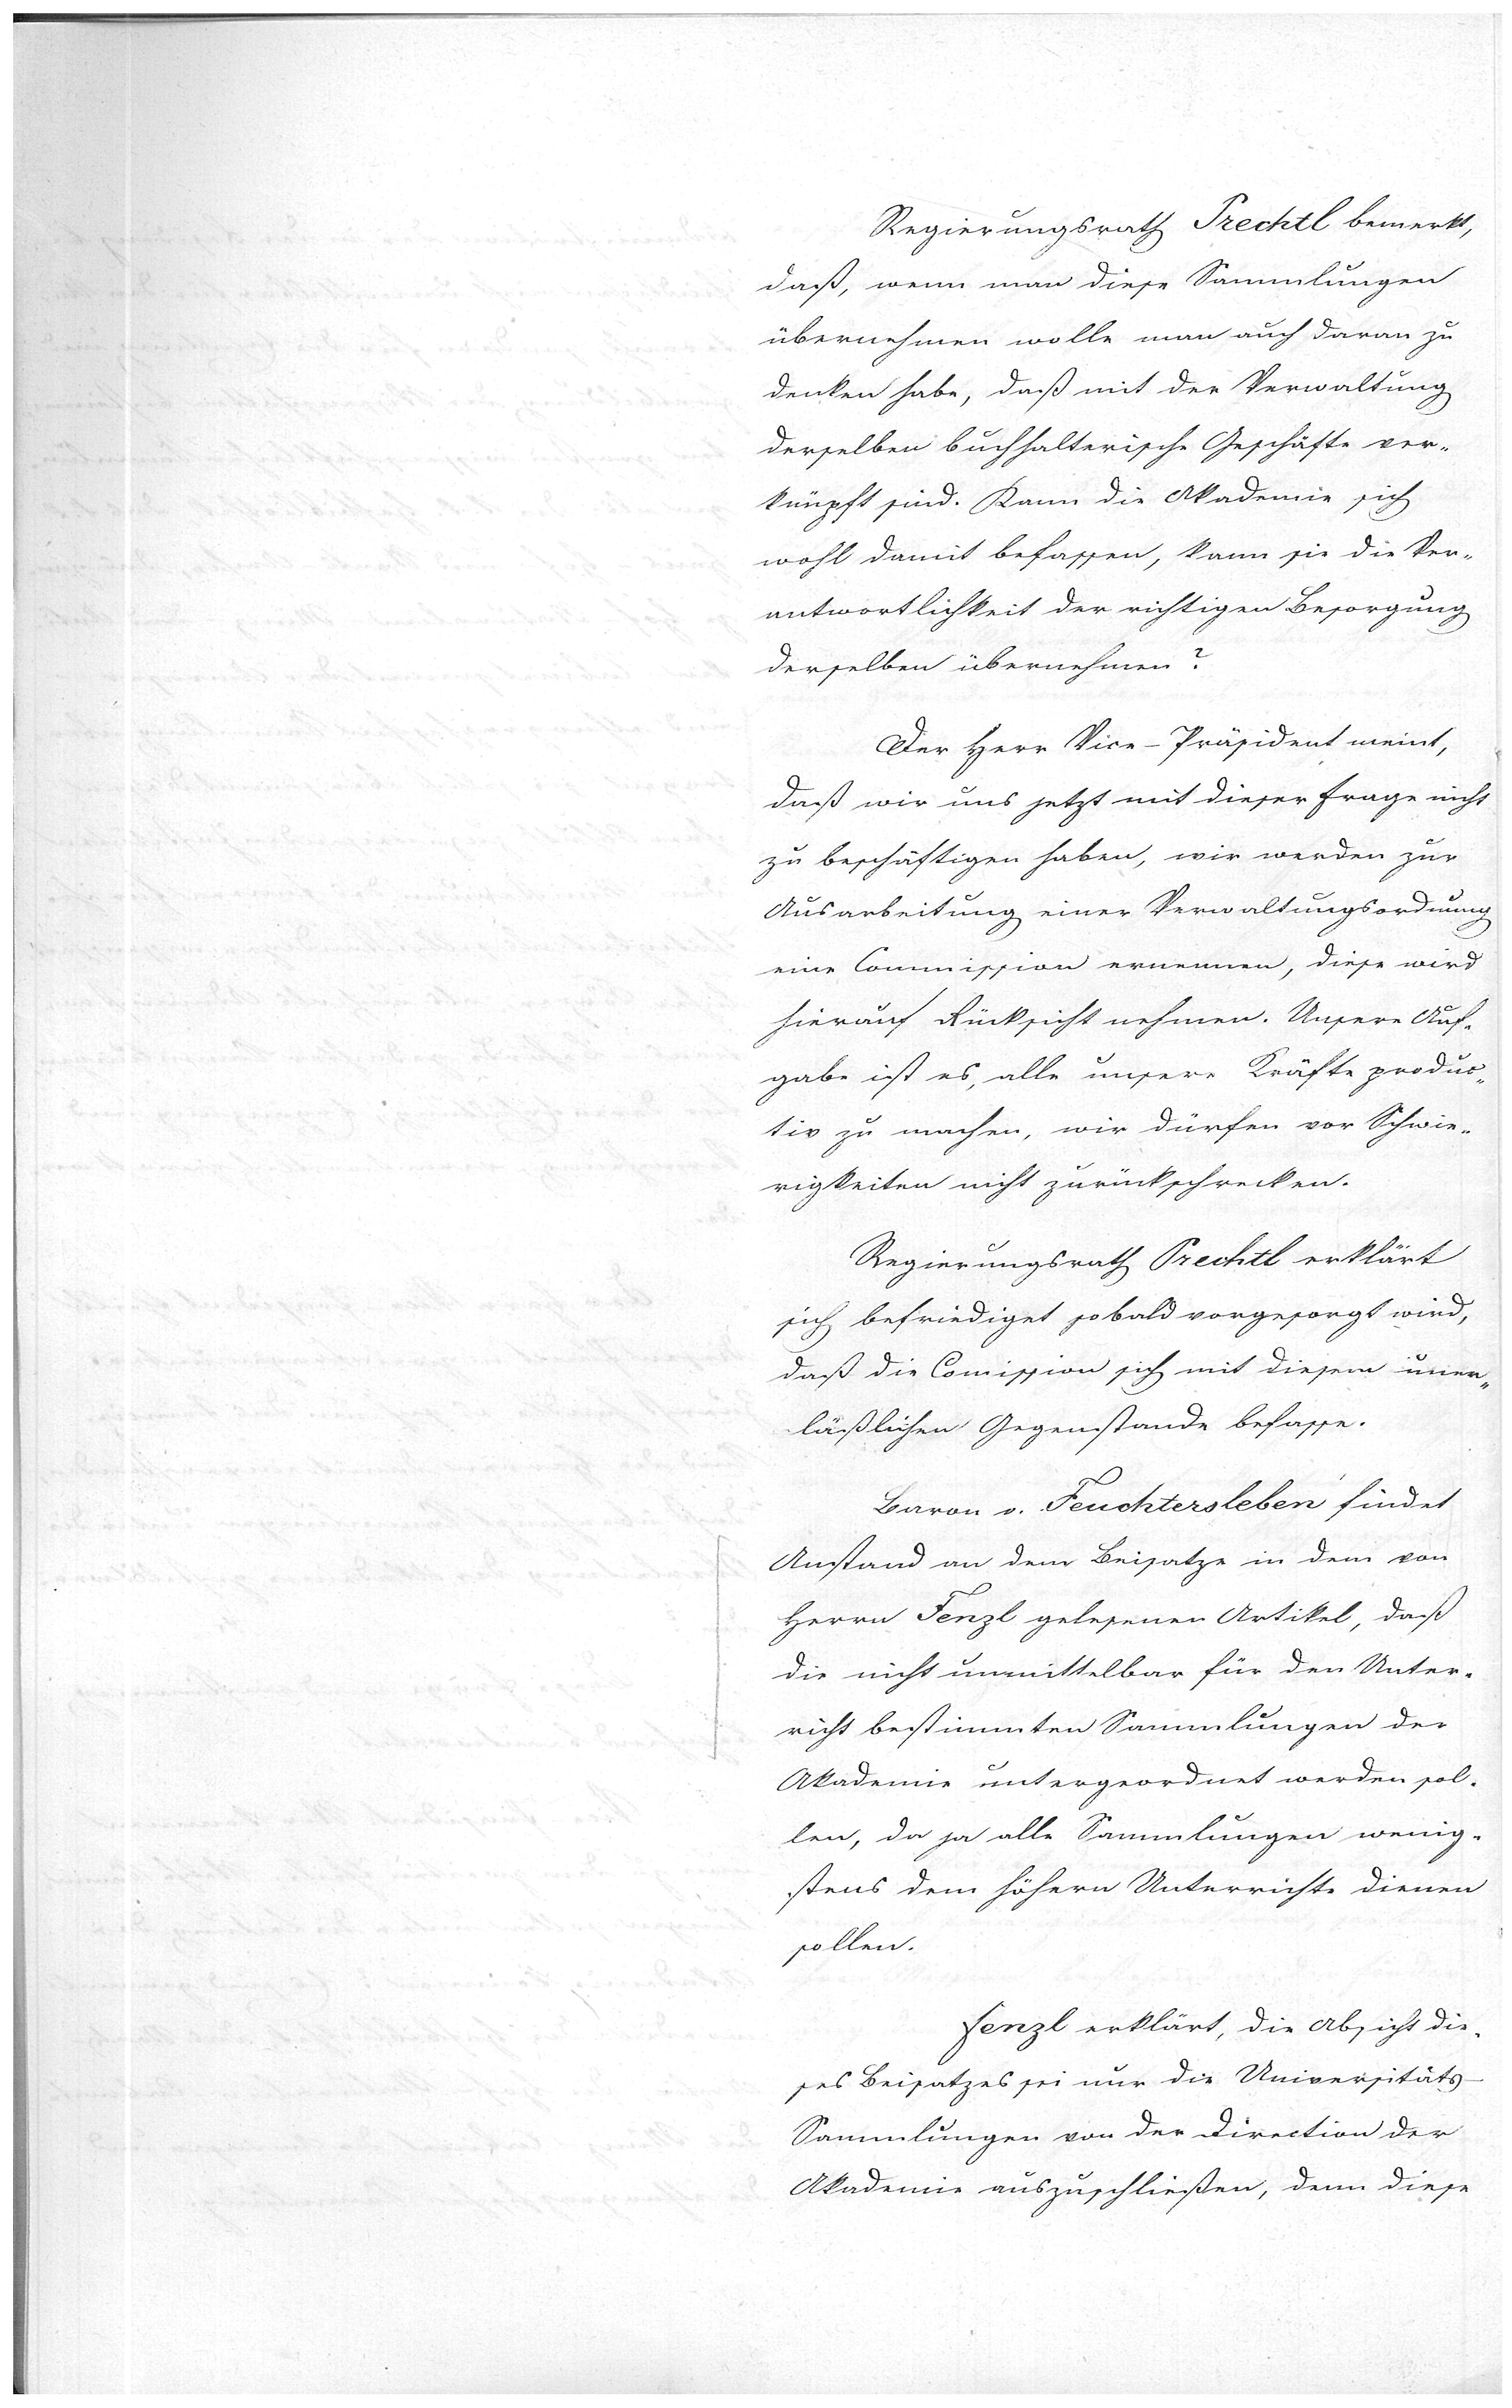Regierungsrath Prechtl bemerkt,
daß, wenn man diese Sammlungen
übernehmen wolle man auch daran zu
denken habe, daß mit der Verwaltung
derselben buchhalterische Geschäfte ver-
knüpft sind. Kann die Akademie sich
wohl damit befassen, kann zu die Ver-
antwortlichkeit der richtigen Besorgung
derselben übernehmen?
Der Herr Vice-Präsident meint,
daß wir uns jetzt mit dieser Frage nicht
zu beschäftigen haben, wir werden zur
Ausarbeitung einer Verwaltungsordnung
eine Commission ernennen, diese wird
hierauf Rücksicht nehmen. Unsere Auf-
gabe ist es, alle unsere Kräfte produc-
tiv zu machen, wir dürfen vor Schwie-
rigkeiten nicht zurckschrecken.
Regierungsrath Prechtl erklärt
sich befriediget sobald vorgesorgt wird,
daß die Commission sich mit diesem uner-
läßlichen Gegenstande befasse.
Baron v. Feuchtersleben findet
Anstand an dem Beisatze in dem von
Herrn Fenzl gelesenen Artikel, daß
die nicht unmittelbar für den Unter-
richt bestimmten Sammlungen der
Akademie untergeordnet werden sol-
len, da ja alle Samlungen wenig-
stens dem höhern Unterrichte dienen
sollen.
Fenzl erklärt, die Absicht die-
ses Beisatzes sei nur die Universitäts-
Sammlungen von der Direction der
Akademie auszuschließen, denn diese